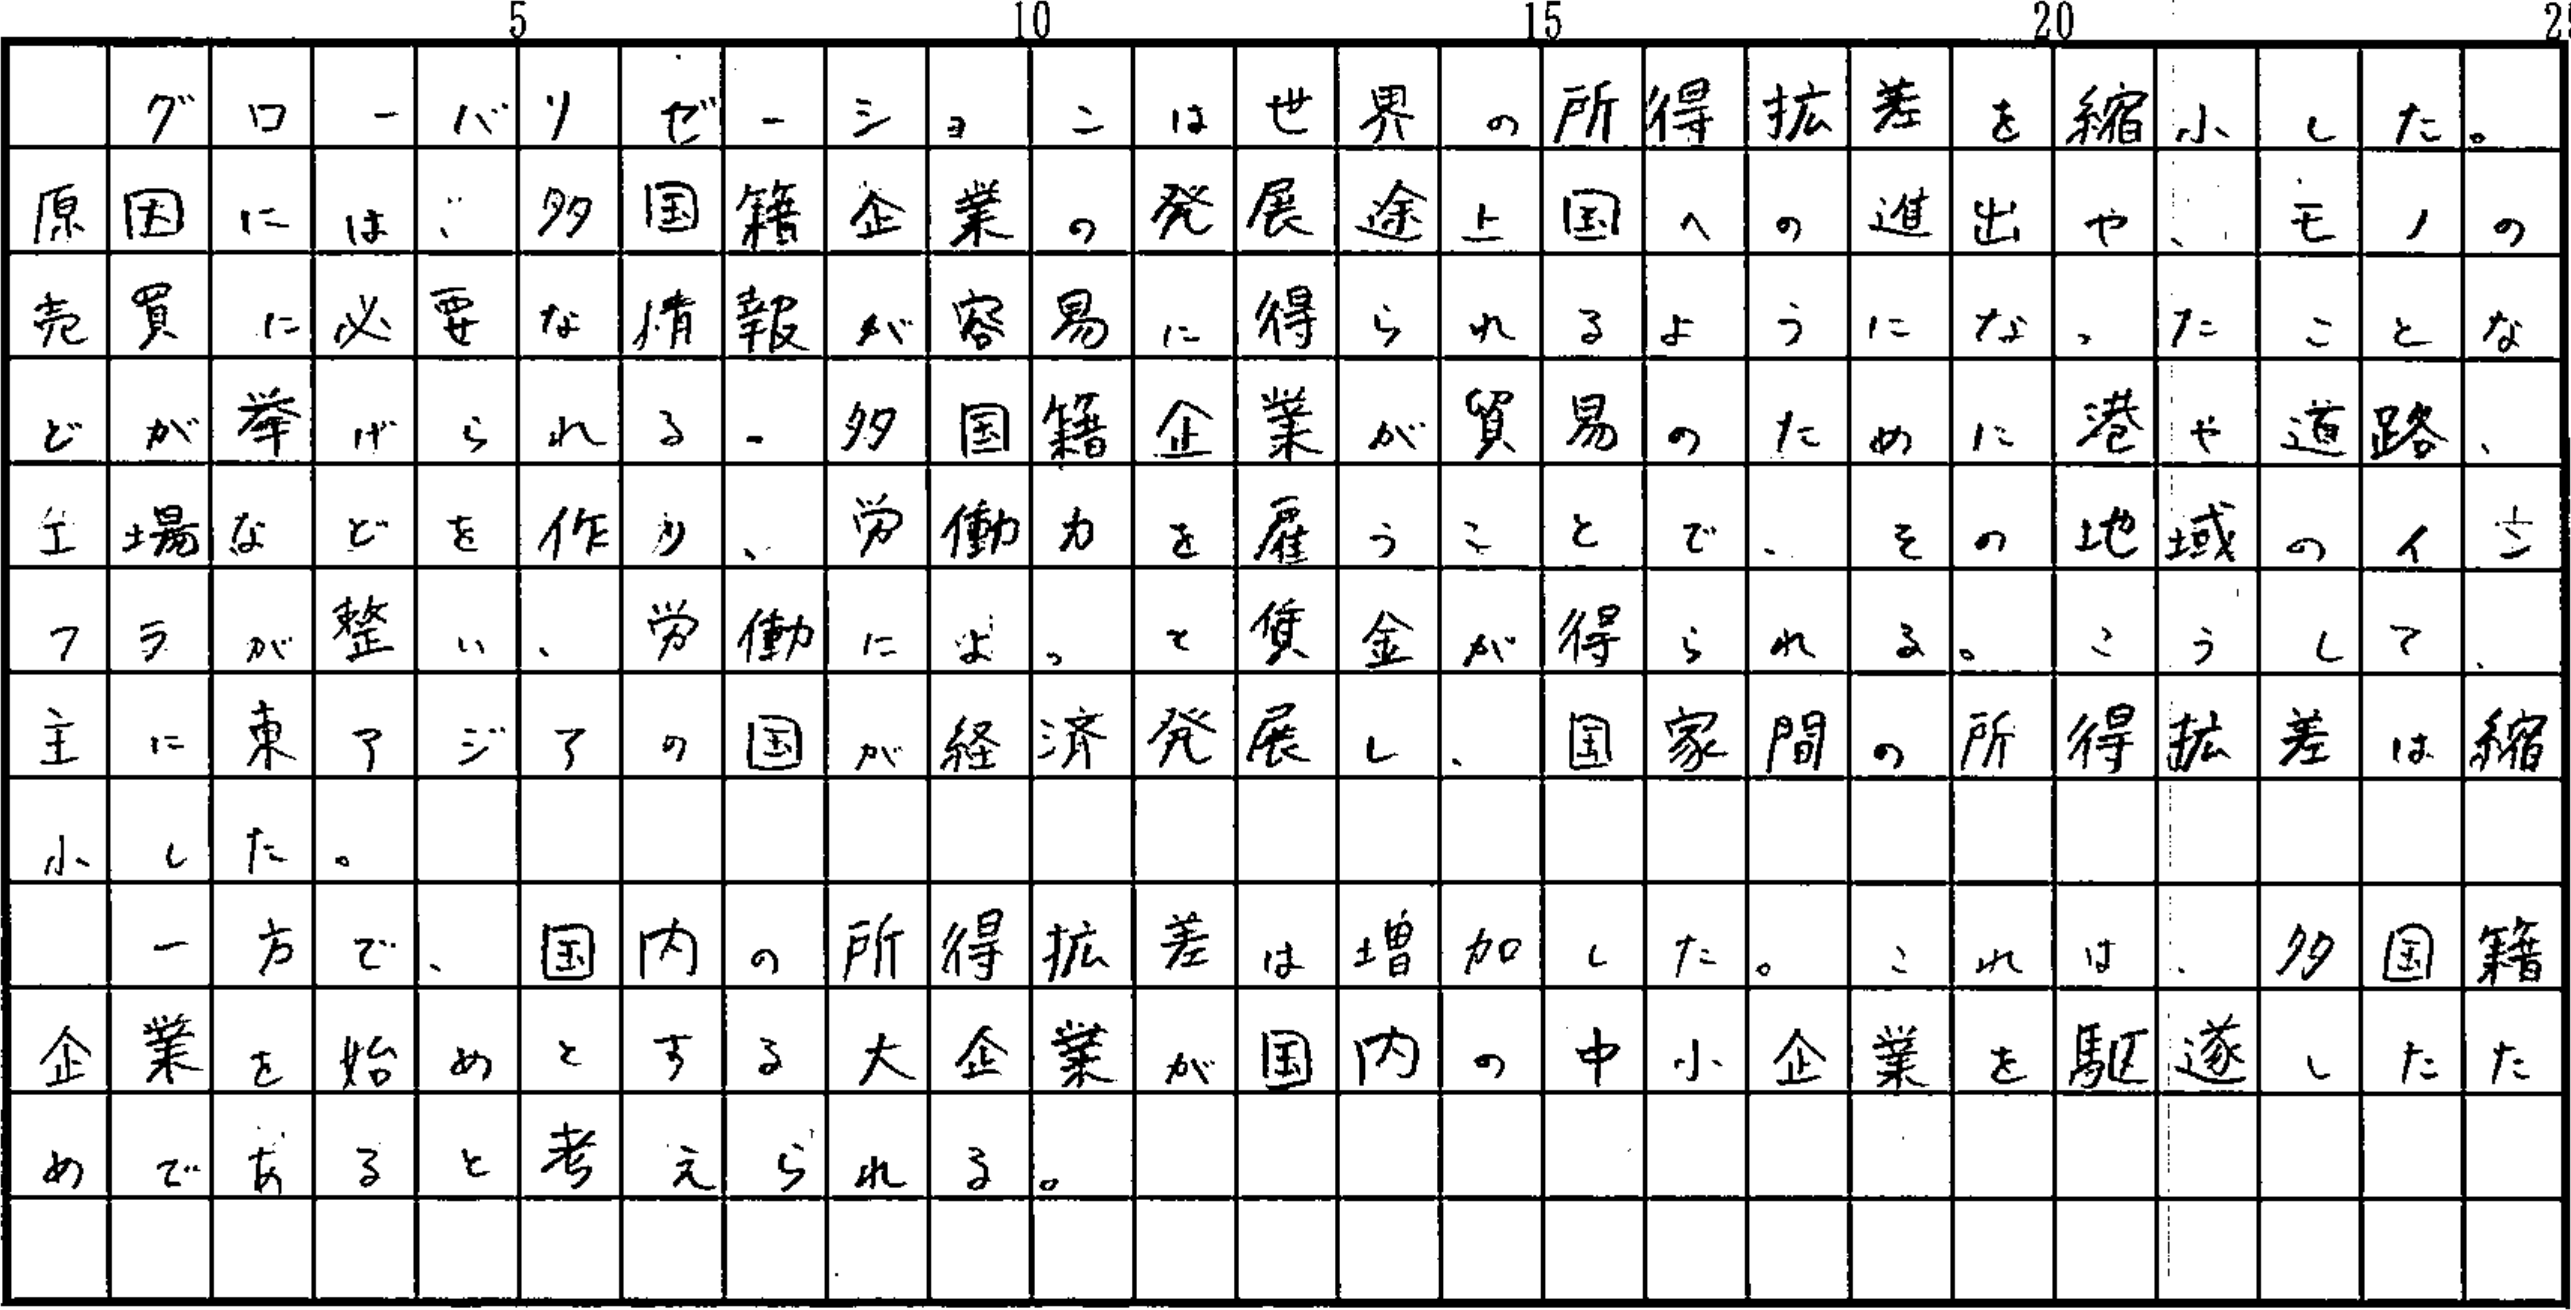　グローバリゼーションは世界の所得格差を縮小した。原因には、多国籍企業の発展途上国への進出や、モノの売買に必要な情報が容易に得られるようになったことなどが挙げられる。多国籍企業が貿易のために港や道路、工場などを作り、労働力を雇うことで、その地域のインフラが整い、労働によって賃金が得られる。こうして、主に東アジアの国が経済発展し、国家間の所得拡差は縮小した。
　一方で、国内の所得拡差は増加した。これは、多国籍企業を始めとする大企業が国内の中小企業を駆遂したためであると考えられる。
